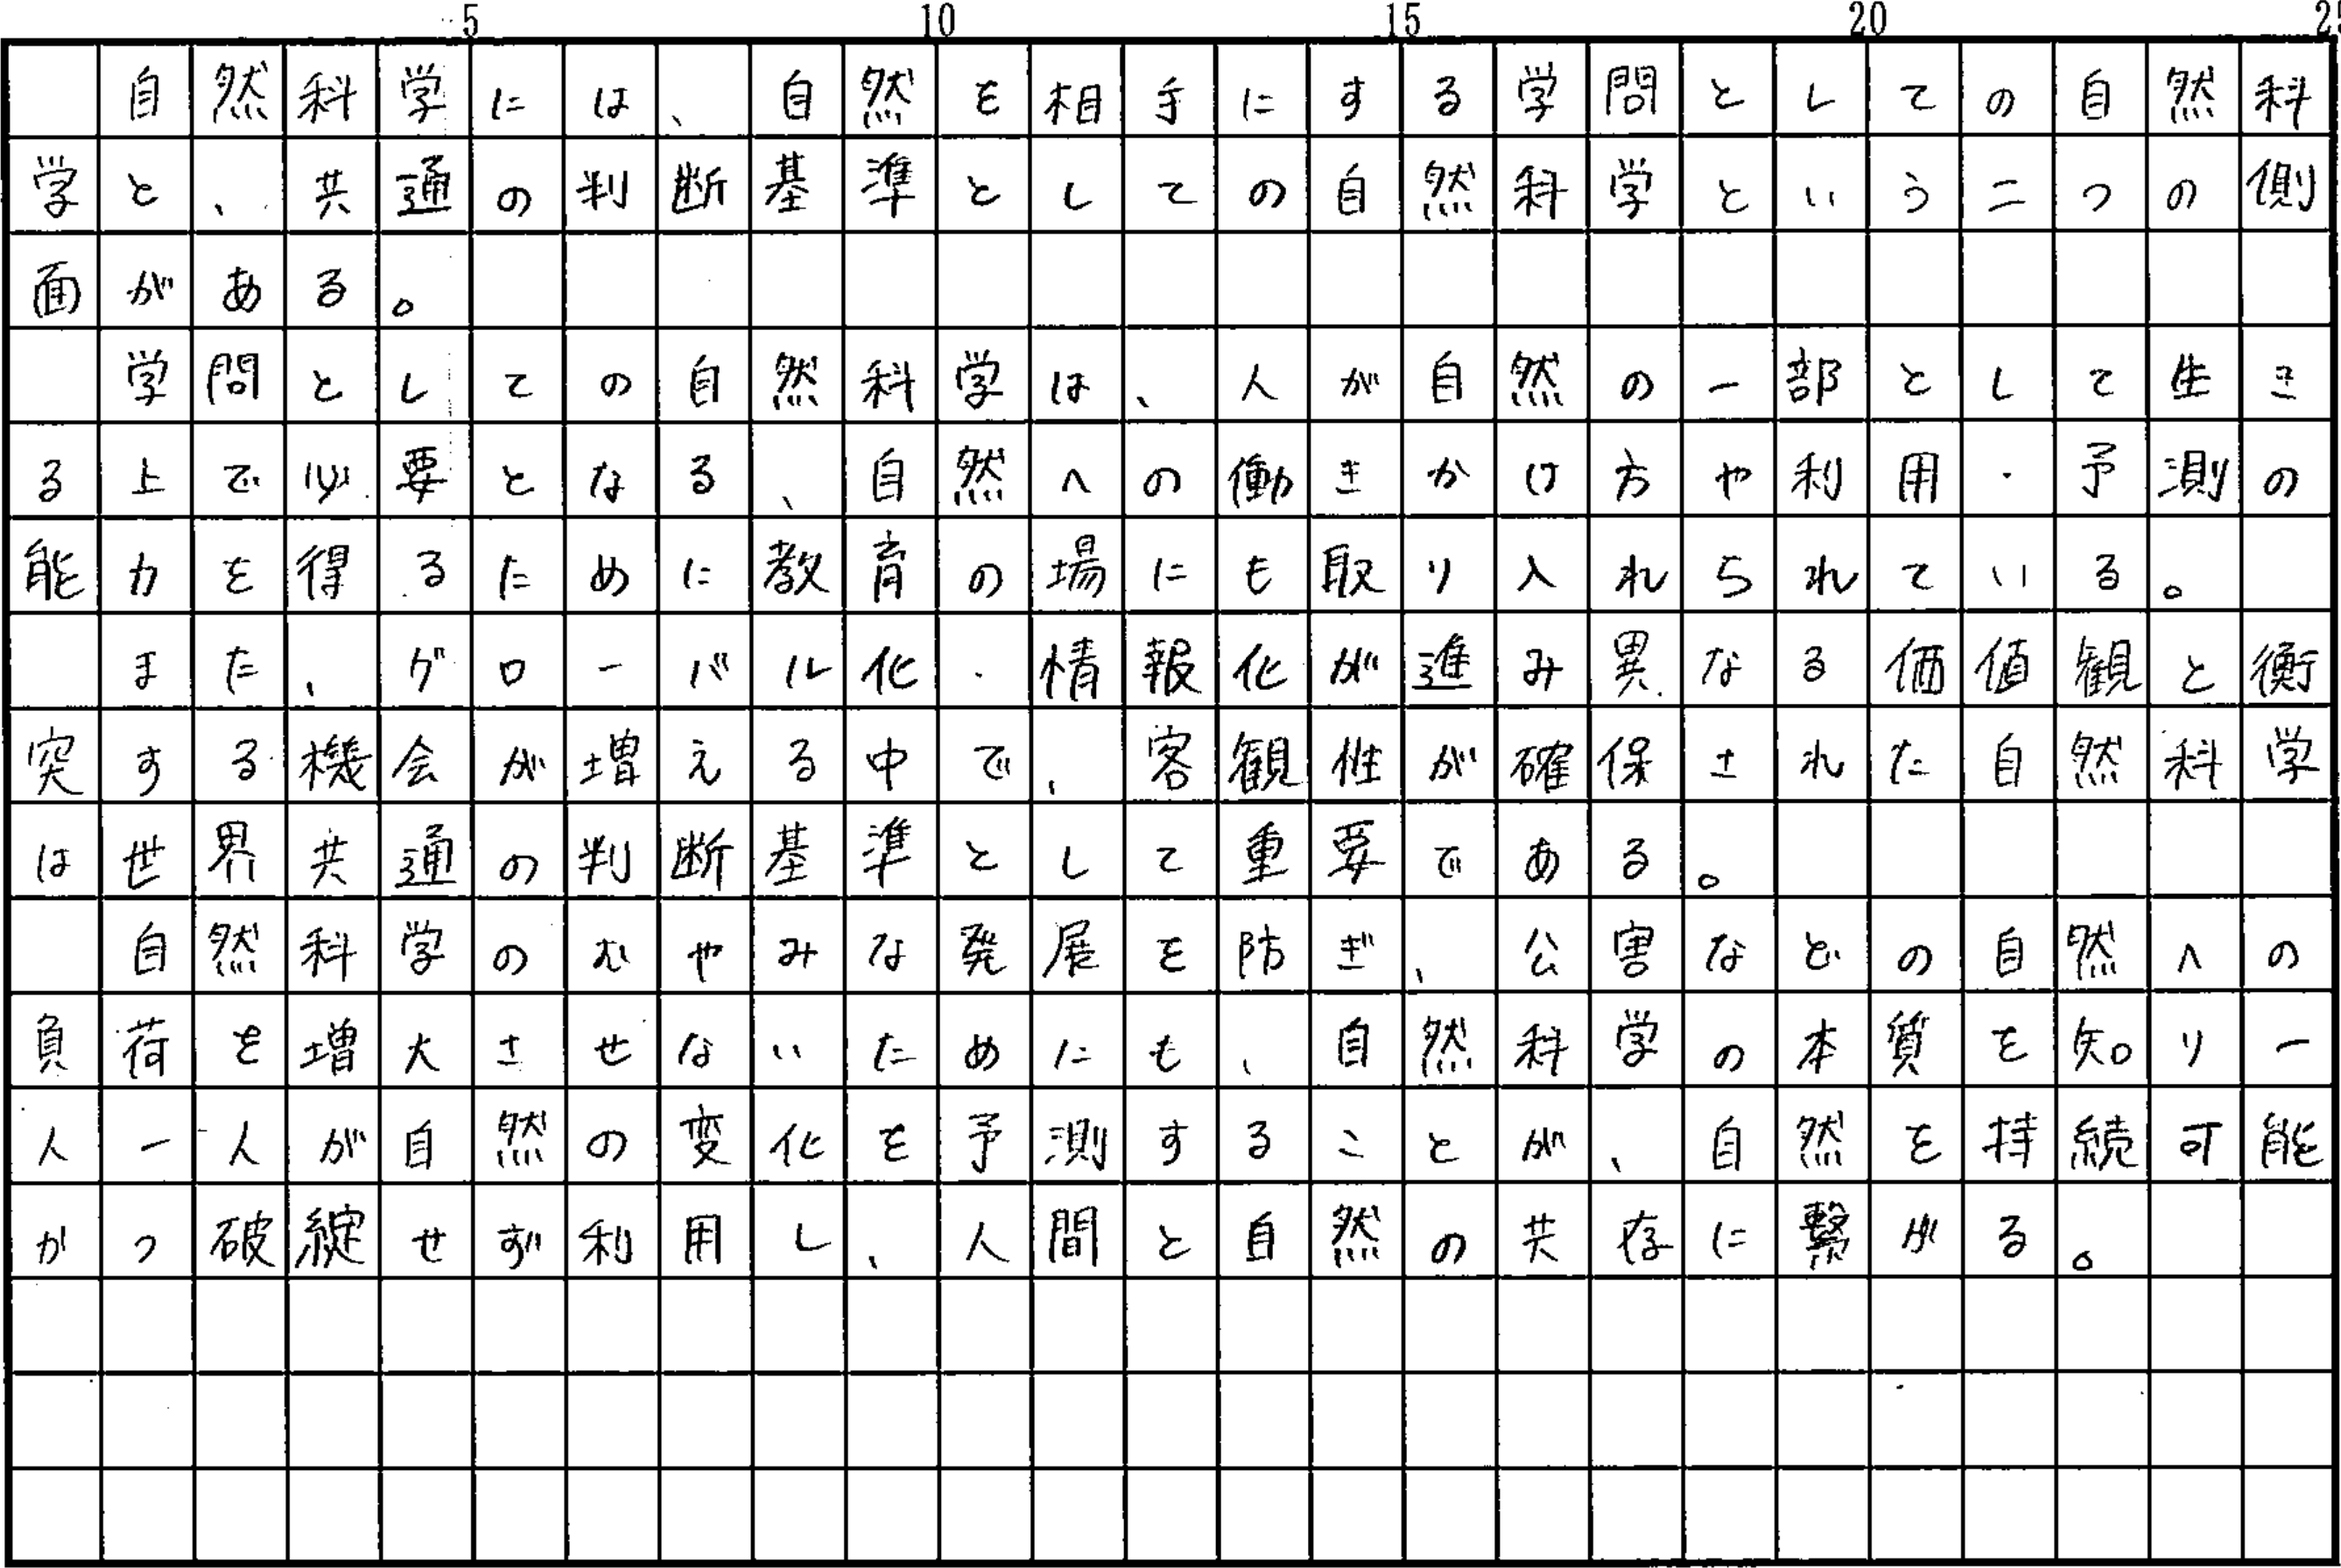　自然科学には、自然を相手にする学問としての自然科学と、共通の判断基準としての自然科学という二つの側面がある。
　学問としての自然科学は、人が自然の一部として生きる上で必要となる、自然への働きかけ方や利用・予測の能力を得るために教育の場にも取り入れられている。
　また、グローバル化・情報化が進み異なる価値観と衡突する機会が増える中で、客観性が確保された自然科学は世界共通の判断基準として重要である。
　自然科学のむやみな発展を防ぎ、公害などの自然への負荷を増大させないためにも、自然科学の本質を知り一人一人が自然の変化を予測することが、自然を持続可能かつ破綻せず利用し、人間と自然の共存に繋がる。
